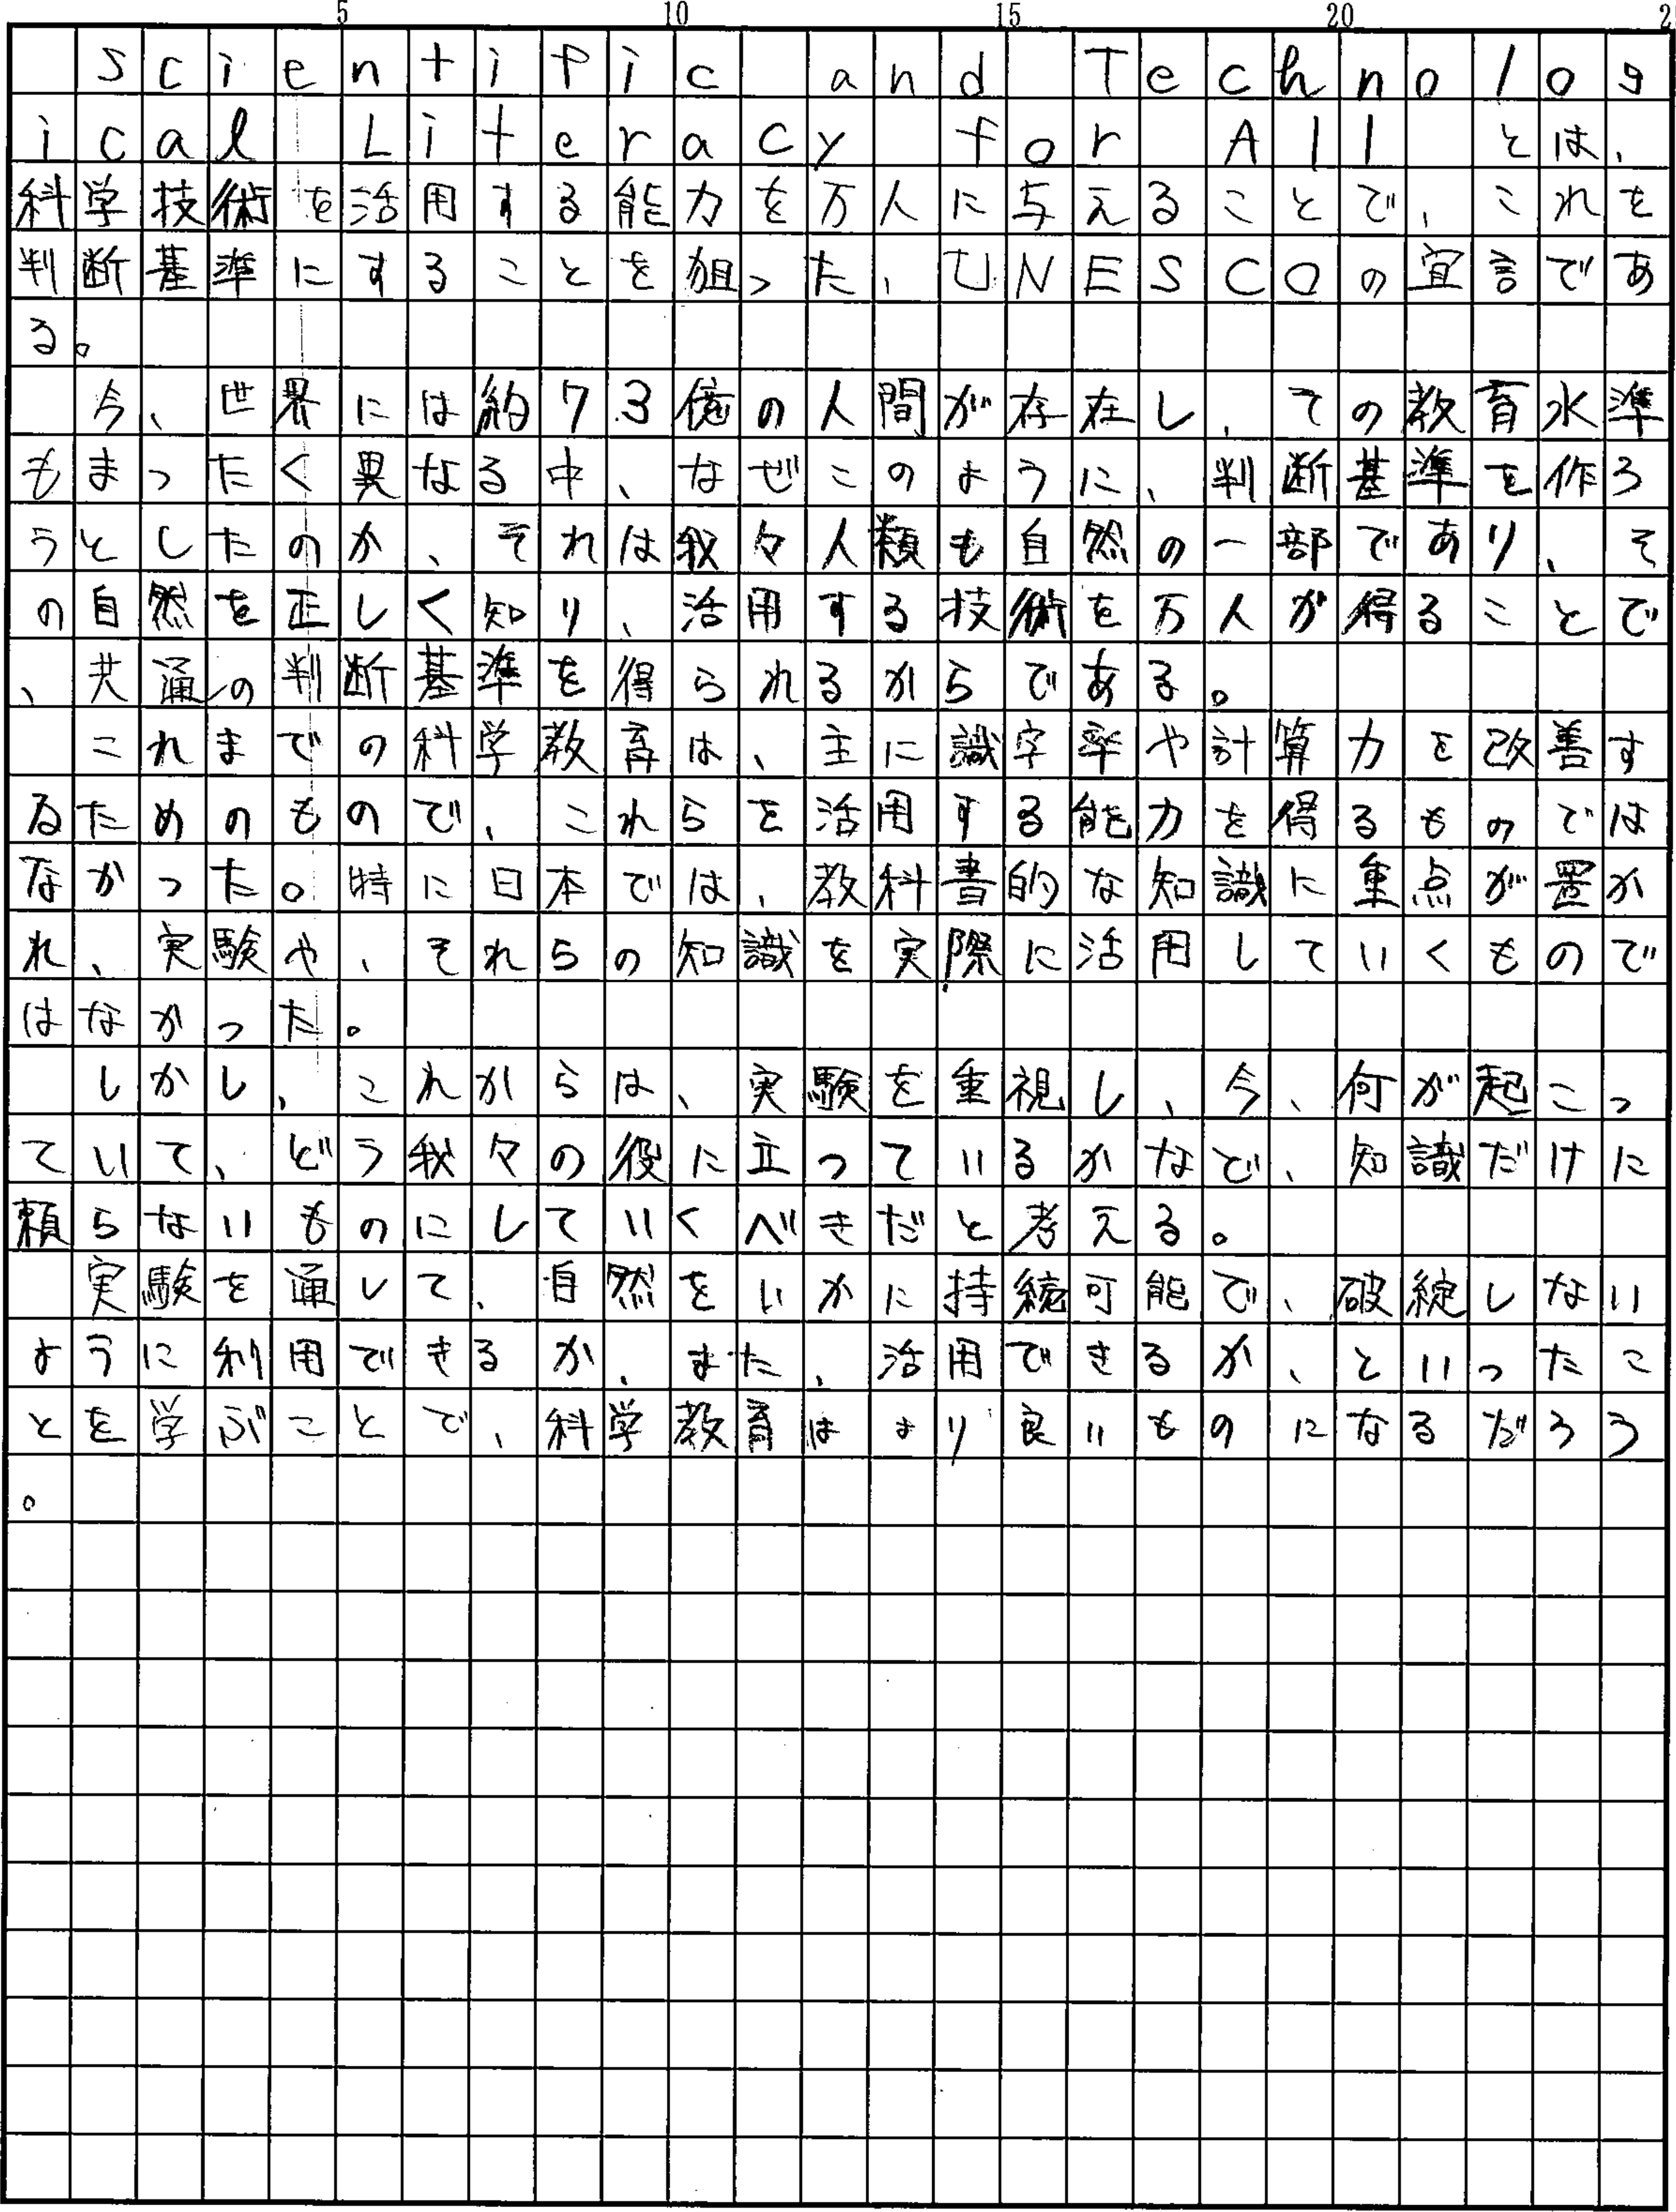　Ｓｃｉｅｎｔｉｆｉｃ　ａｎｄ　Ｔｅｃｈｎｏｌｏｇｉｃａｌ　Ｌｉｔｅｒａｃｙ　ｆｏｒ　Ａｌｌ　とは、科学技術を活用する能力を万人に与えることで、これを判断基準にすることを狙った、ＵＮＥＳＣＯの宣言である。
　今、世界には約７３億の人間が存在し、その教育水準もまったく異なる中、なぜこのように、判断基準を作ろうとしたのか、それは我々人類も自然の一部であり、その自然を正しく知り、活用する技術を万人が得ることで、共通の判断基準を得られるからである。
　これまでの科学教育は、主に識字率や計算力を改善するためのもので、これらを活用する能力を得るものではなかった。特に日本では、教科書的な知識に重点が置かれ、実験や、それらの知識を実際に活用していくものではなかった。
　しかし、これからは、実験を重視し、今、何が起こっていて、どう我々の役に立っているかなど、知識だけに頼らないものにしていくべきだと考える。
　実験を通して、自然をいかに持続可能で、破綻しないように利用できるか、また、活用できるか、といったことを学ぶことで、科学教育はより良いものになるだろう。
